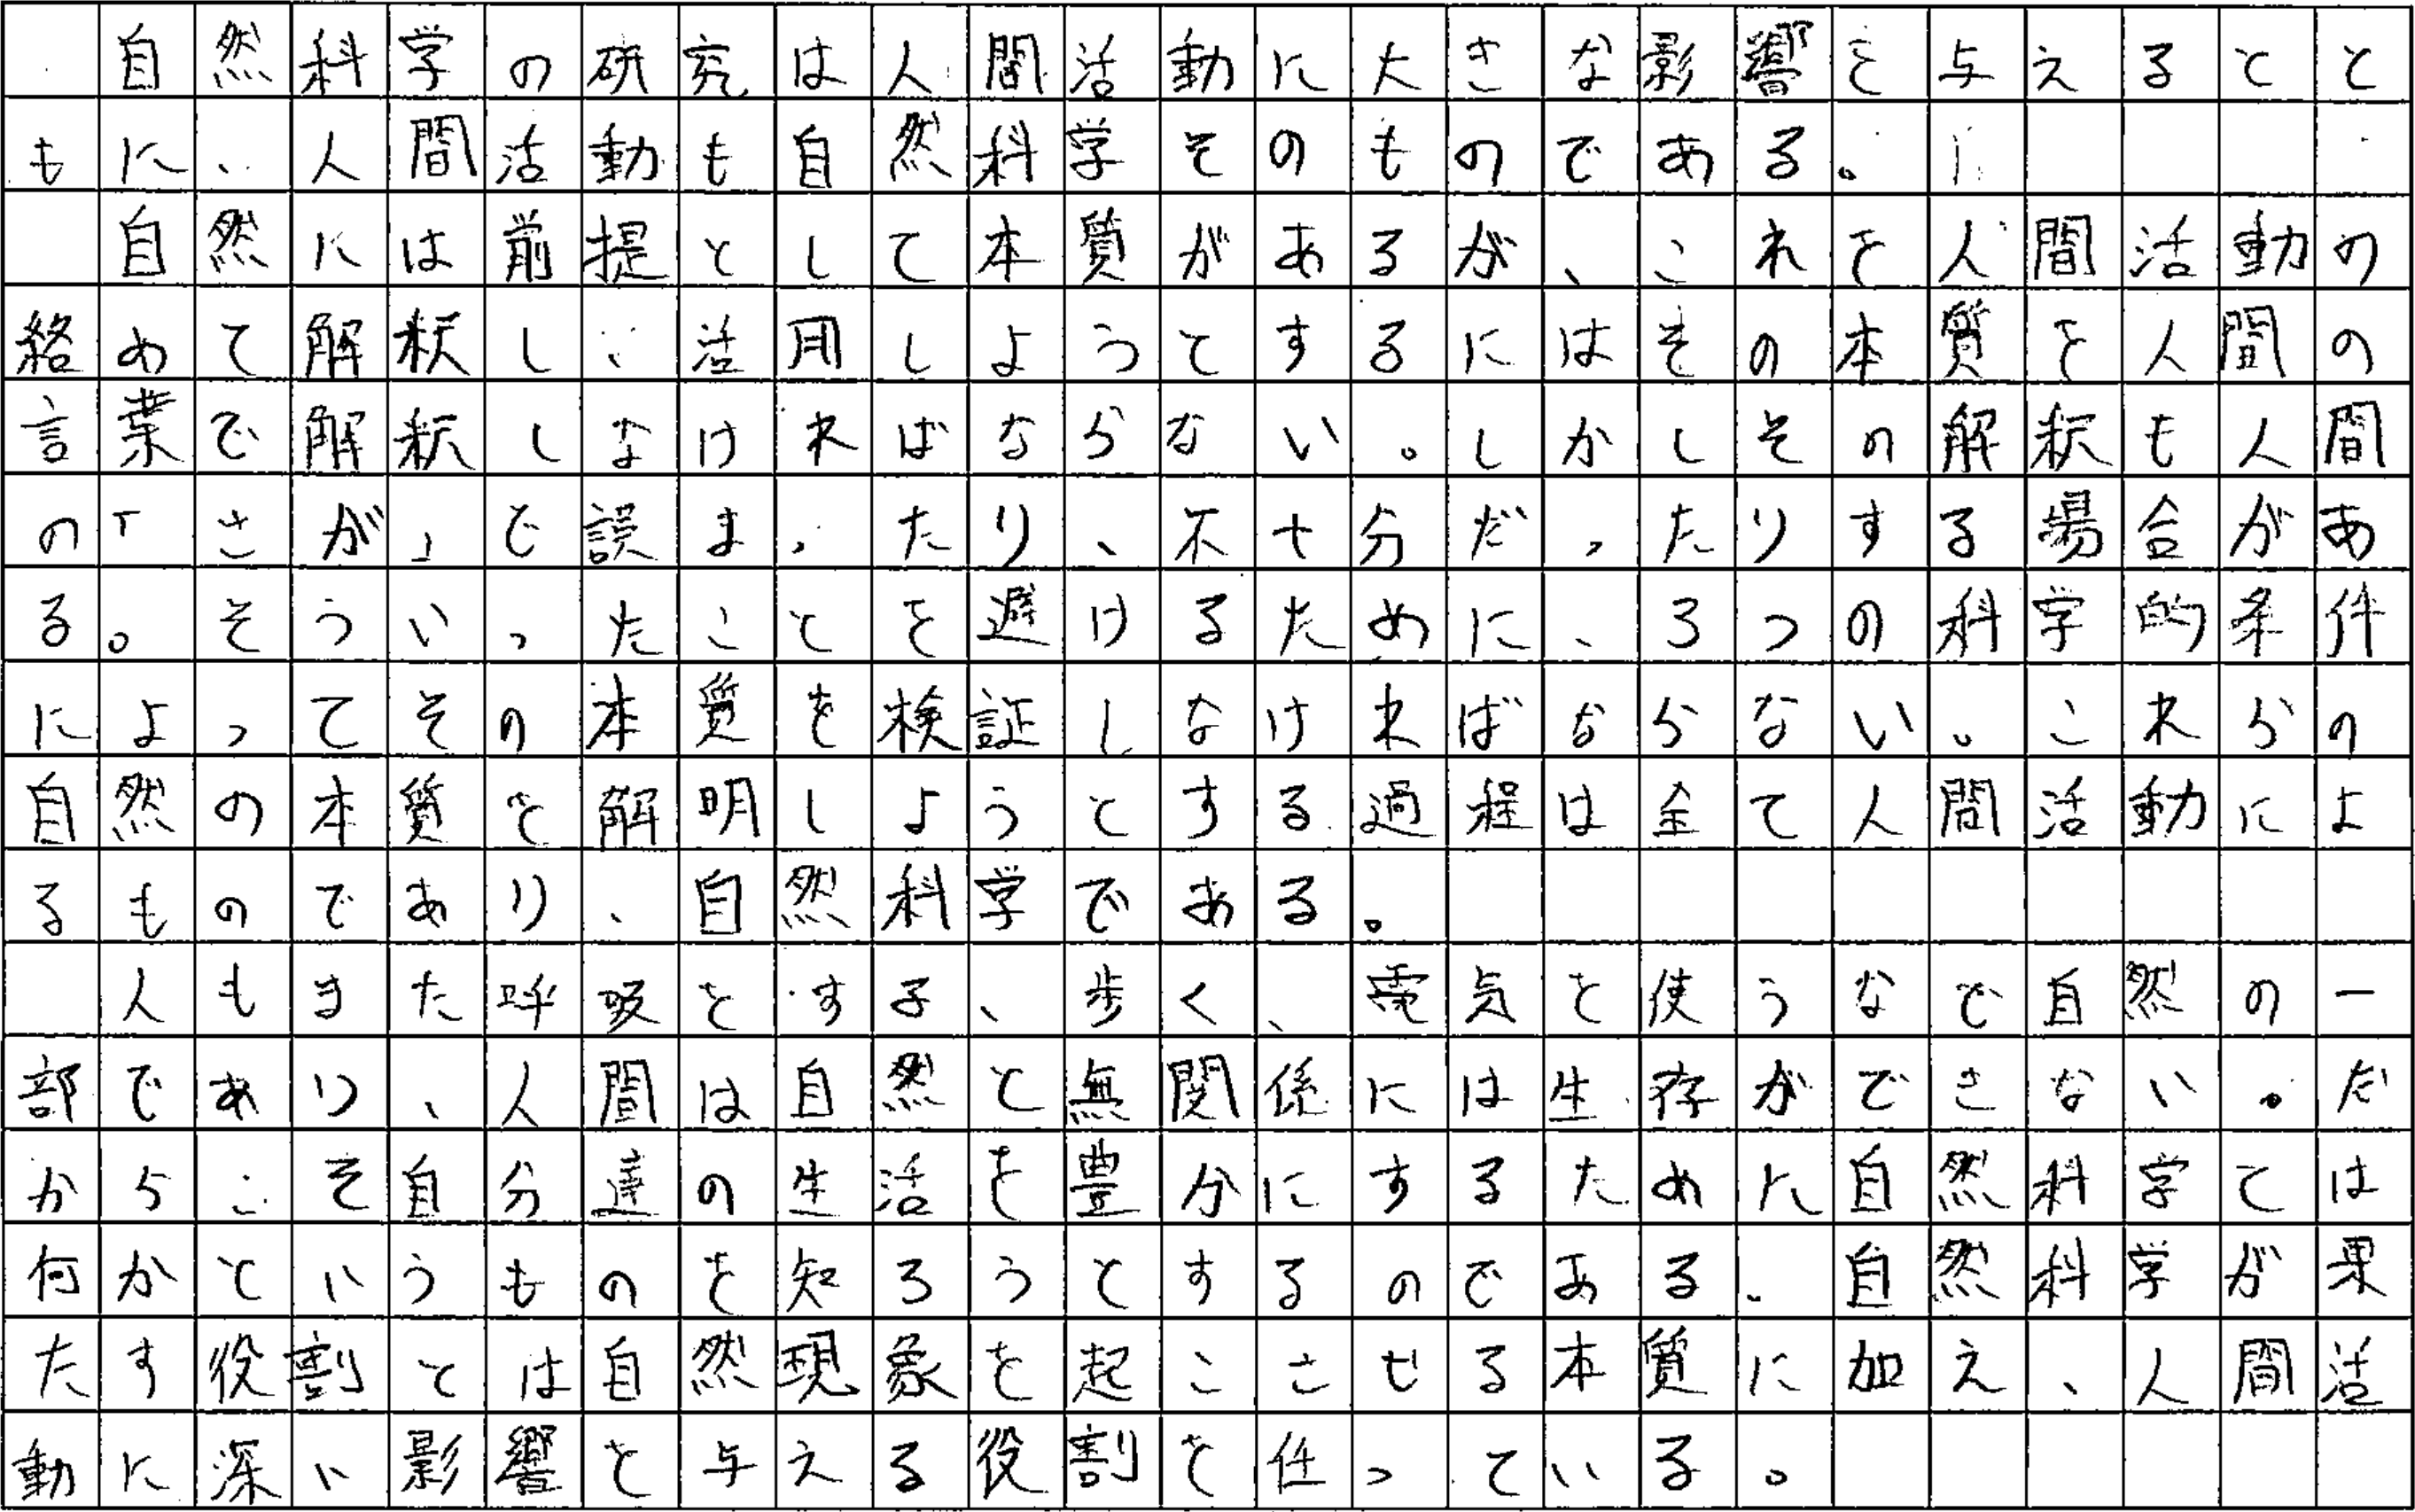　自然科学の研究は人間活動に大きな影響を与えるとともに、人間活動も自然科学そのものである。
　自然には前提として本質があるが、これを人間活動の絡めて解釈し、活用しようとするにはその本質を人間の言葉で解釈しなければならない。しかしその解釈も人間の「さが」で誤まったり、不十分だったりする場合がある。そういったことを避けるために、３つの科学的条件によってその本質を検証しなければならない。これらの自然の本質を解明しようとする過程は全て人間活動によるものであり、自然科学である。
　人もまた呼吸をする、歩く、電気を使うなど自然の一部であり、人間は自然と無関係には生存ができない。だからこそ自分達の生活を豊かにするために自然科学とは何かというものを知ろうとするのである。自然科学が果たす役割とは自然現象を起こさせる本質に加え、人間活動に深い影響を与える役割を任っている。
